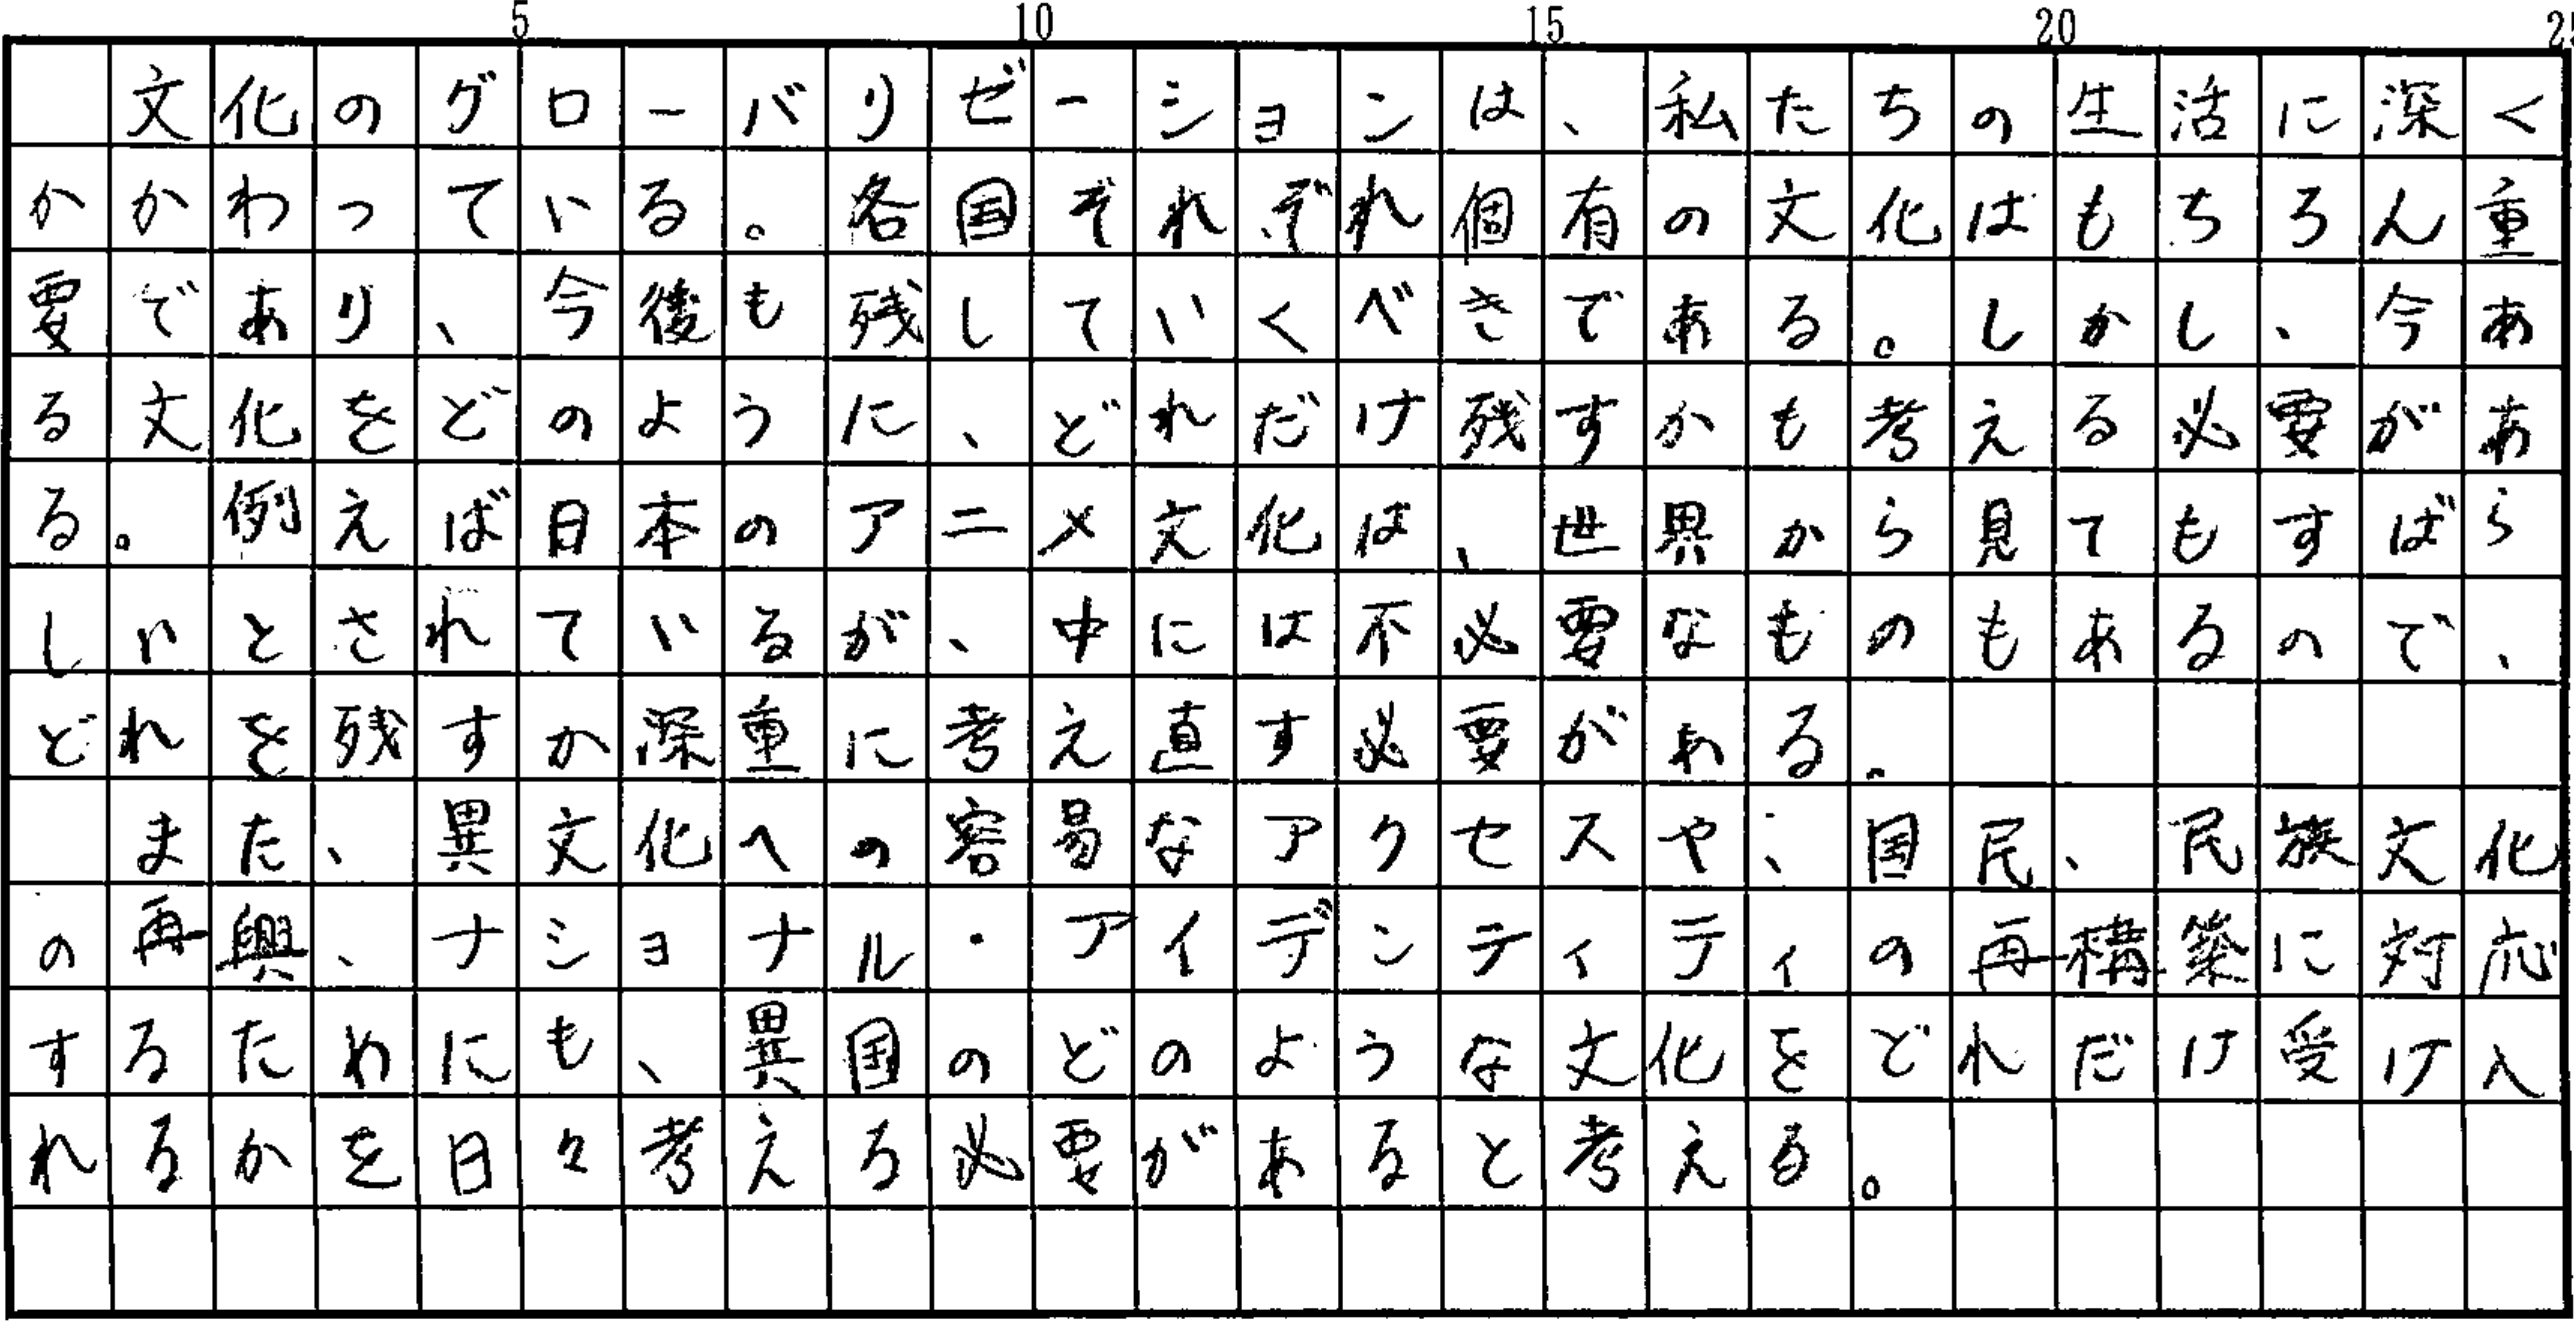　文化のグローバリゼーションは、私たちの生活に深くかかわっている。各国それぞれ個有の文化はもちろん重要であり、今後も残していくべきである。しかし、今ある文化をどのように、どれだけ残すかも考える必要がある。例えば日本のアニメ文化は、世界から見てもすばらしいとされているが、中には不必要なものもあるので、どれを残すか深重に考え直す必要がある。
　また、異文化への容易なアクセスや、国民、民族文化の再興、ナショナル・アイデンティティの再構築に対応するためにも、異国のどのような文化をどれだけ受け入れるかを日々考える必要があると考える。
